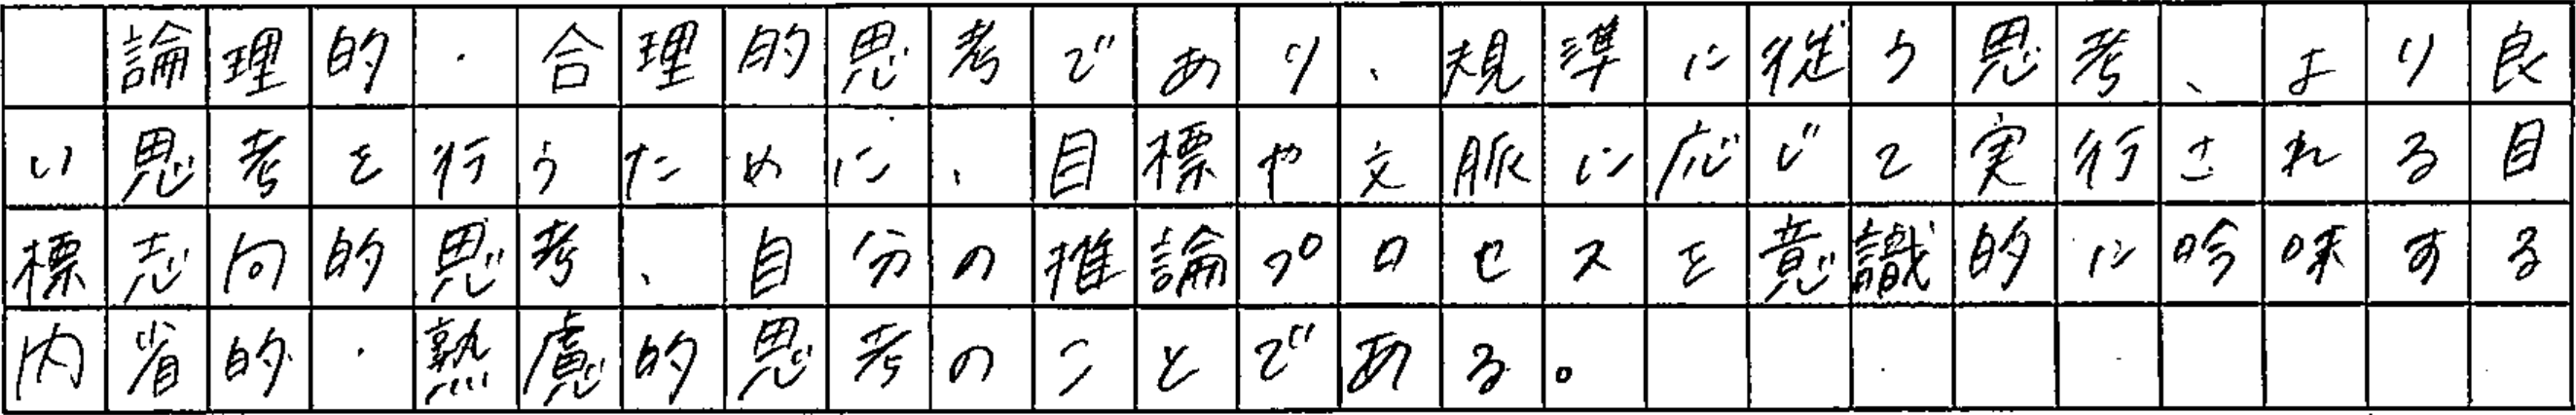　論理的・合理的思考であり、規準に従う思考、より良い思考を行うために、目標や文脈に応じて実行される目標志向的思考、自分の推論プロセスを意識的に吟味する内省的・熟慮的思考のことである。
